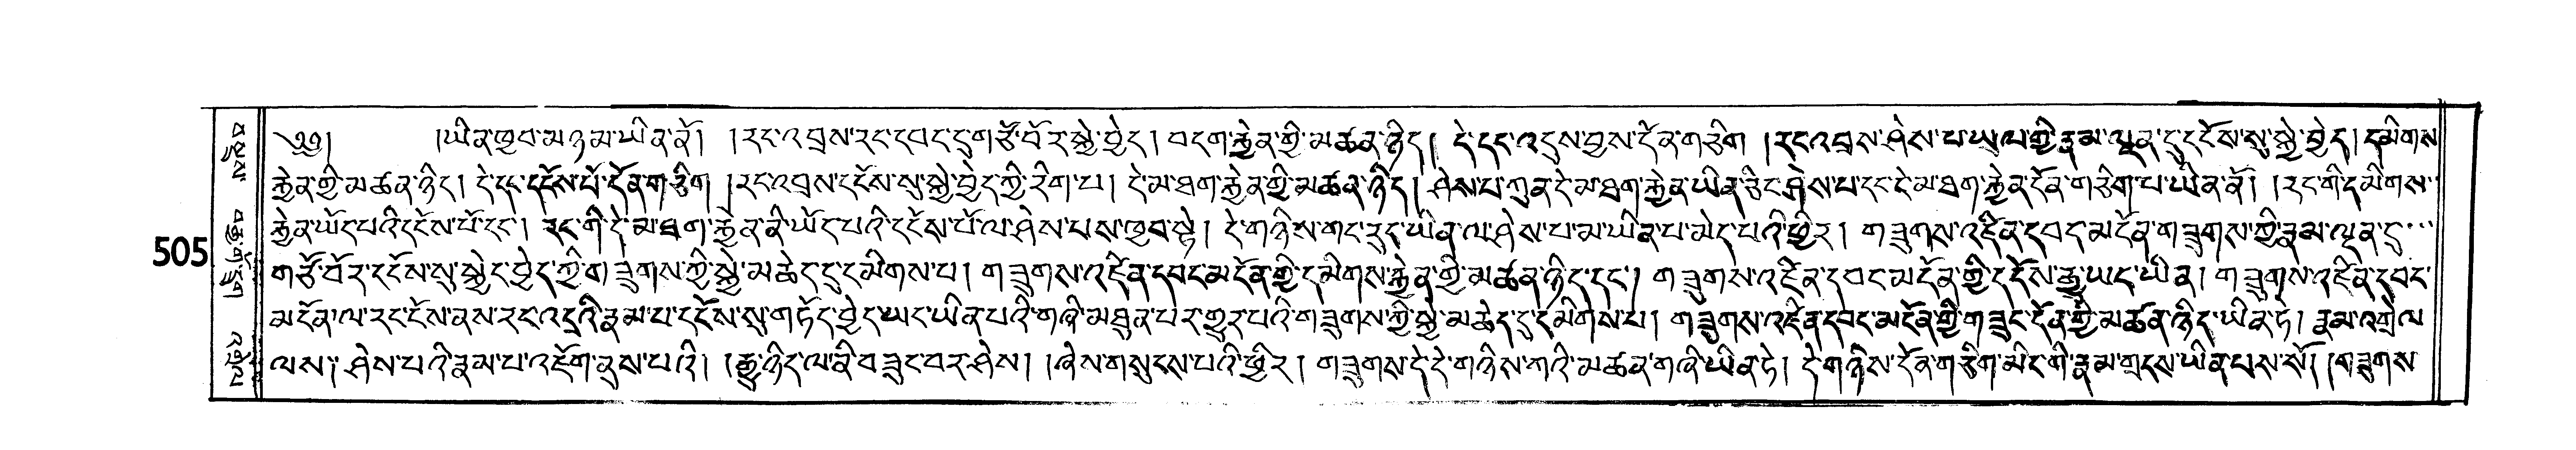༄༅། །ཡིན་ཁྱབ་མཉམ་ཡིན་ནོ། །རང་འབྲས་རང་དབང་དུ་གཙོ་བོར་སྐྱེ་བྱེད། བདག་རྐྱེན་གྱི་མཚན་ཉིད། དེ་དང་འདུས་བྱས་དོན་གཅིག །རང་འབྲས་ཤེས་པ་ཡུལ་གྱི་རྣམ་ལྡན་དུ་དངོས་སུ་སྐྱེ་བྱེད། དམིགས་
རྐྱེན་གྱི་མཚན་ཉིད། དེ་དང་དངོས་པོ་དོན་གཅིག །རང་འབྲས་དངོས་སུ་སྐྱེ་བྱེད་ཀྱི་རིག་པ། དེ་མ་ཐག་རྐྱེན་གྱི་མཚན་ཉིད། ཤེས་པ་ཀུན་དེ་མ་ཐག་རྐྱེན་ཡིན་ཅིང་ཤེས་པ་དང་དེ་མ་ཐག་རྐྱེན་དོན་གཅིག་པ་ཡིན་ནོ། །རང་གི་དམིགས་
རྐྱེན་ཡོད་པའི་དངོས་པོ་དང་། རང་གི་དེ་མ་ཐག་རྐྱེན་ནི་ཡོད་པའི་དངོས་པོ་ལ་ཤེས་པས་ཁྱབ་སྟེ། དེ་གཉིས་གང་རུང་ཡིན་ལ་ཤེས་པ་མ་ཡིན་པ་མེད་པའི་ཕྱིར། གཟུགས་འཛིན་དབང་མངོན་གཟུགས་ཀྱི་རྣམ་ལྡན་དུ་
གཙོ་བོར་དངོས་སུ་སྐྱེད་བྱེད་ཀྱི་གཟུགས་ཀྱི་སྐྱེ་མཆེད་དུ་དམིགས་པ། གཟུགས་འཛིན་དབང་མངོན་གྱི་དམིགས་རྐྱེན་གྱི་མཚན་ཉིད་དང་། གཟུགས་འཛིན་དབང་མངོན་གྱི་དངོས་རྒྱུ་ཡང་ཡིན། གཟུགས་འཛིན་དབང་
མངོན་ལ་རང་ངོས་ནས་རང་འདྲའི་རྣམ་པ་དངོས་སུ་གཏོད་བྱེད་ཡང་ཡིན་པའི་གཞི་མཐུན་པར་གྱུར་པའི་གཟུགས་ཀྱི་སྐྱེ་མཆེད་དུ་དམིགས་པ། གཟུགས་འཛིན་དབང་མངོན་གྱི་གཟུང་དོན་གྱི་མཚན་ཉིད་ཡིན་ཏེ། རྣམ་འགྲེལ་
ལས༑ ཤེས་པའི་རྣམ་པ་འཇོག་ནུས་པའི། །རྒྱུ་ཉིད་ལ་ནི་བཟུང་བར་ཤེས། །ཞེས་གསུངས་པའི་ཕྱིར། གཟུགས་དེ་དེ་གཉིས་ཀའི་མཚན་གཞི་ཡིན་ཏེ། དེ་གཉིས་དོན་གཅིག་མིང་གི་རྣམ་གྲངས་ཡིན་པས་སོ། །གཟུགས་